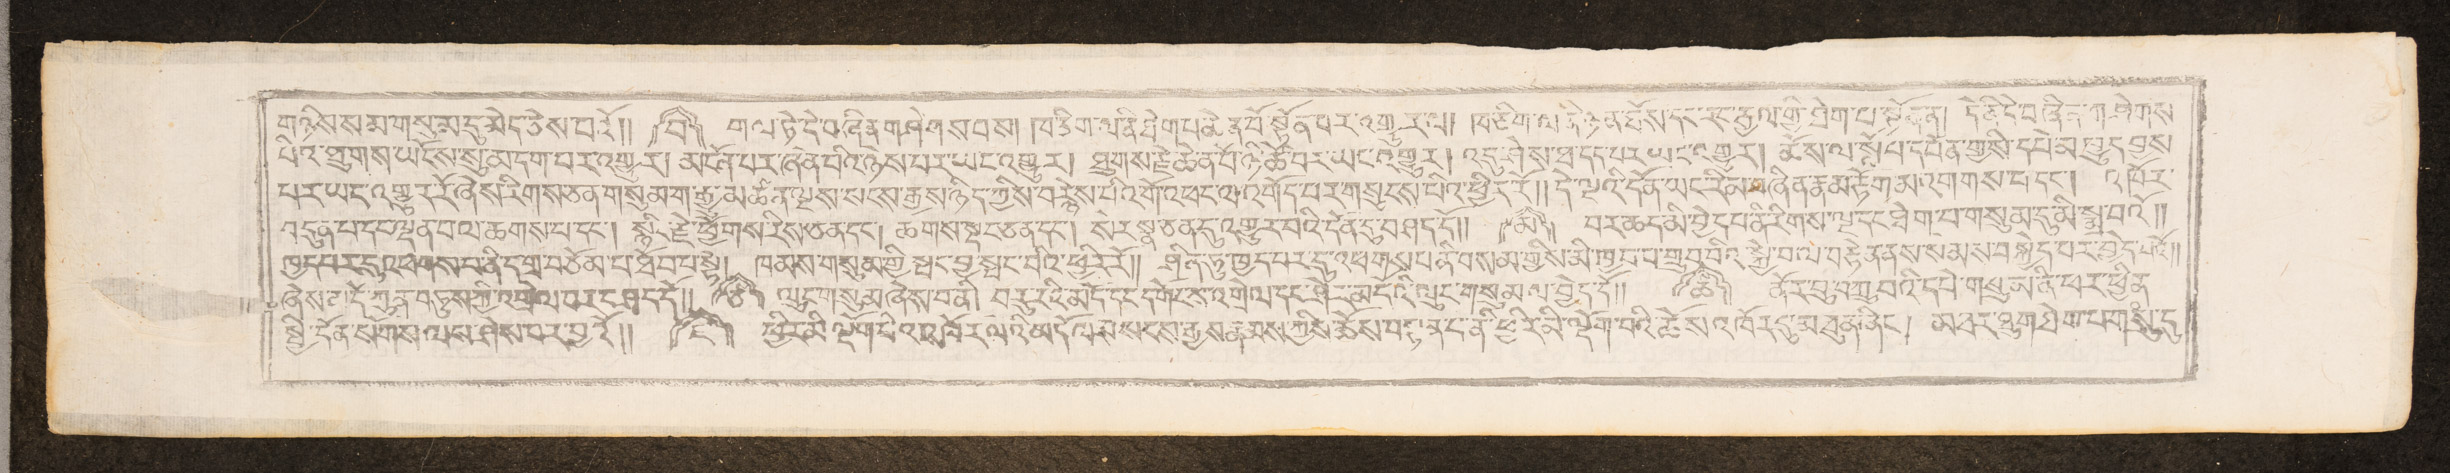གཉིས་སམ་གསུམ་དུ་མེད་ཅེས་པའོ།། ༼༽བ༼༽ གལ་ཏེ་དེ་བཞིན་གཤེགས་པས། ཁ་ཅིག་ལ་ནི་ཐེག་པ་ཆེན་པོ་སྟོན་པར་འགྱུར་ལ། ཁ་ཅིག་ལ་ནི་ཉན་ཐོས་དང་རྒྱལ་གྱི་ཐེག་པ་སྟོན་ན། དེ་ནི་དེ་བཞིན་གཤེགས་
པའི་ཐུགས་ཡོངས་སུ་མ་དག་པར་འགྱུར། མངོན་པར་ཞེན་པའི་ཉེས་པར་ཡང་འགྱུར། ཐུགས་རྗེ་ཆེན་པོ་ཉི་ཚེ་བར་ཡང་འགྱུར། འདུ་ཤེས་ཐ་དད་པར་ཡང་འགྱུར། ཆོས་ལ་སློབ་དཔོན་གྱིས་དཔེ་མ་ཁྱུད་བྱས་
པར་ཡང་འགྱུར་རོ་ཞེས་རིགས་ཅན་གསུམ་ག་རྒྱུ་མཚན་ལྔས་སངས་རྒྱས་ཉིད་ཀྱིས་བརྙེས་པའི་གོ་འཕང་ལ་འགོད་པར་གསུངས་པའི་ཕྱིར་རོ།། དེ་ལྔའི་དོན་ཡང་རིམ་བཞིན་རྣམ་རྟོག་མ་འགགས་པ་དང་། འཁོར་
བདུན་པ་དང་ལྡན་པ་ལ་ཆགས་པ་དང་། སྙིང་རྗེ་ཕྱོགས་རིས་ཅན་དང་། ཆགས་སྡང་ཅན་དང་། སེར་སྣ་ཅན་དུ་འགྱུར་བའི་དོན་དུ་བཤད་དོ།། ༼༽མ༼༽ བར་ཆད་མི་བྱེད་པ་ནི་རིགས་ལྔ་དང་ཐེག་པ་གསུམ་དུ་མི་སྨྲ་བའོ།།
ཁྱད་པར་དུ་འཕགས་པ་ནི་དགྲ་བཅོམ་པ་ཐོབ་པ་སྟོ། ཁམས་གསུམ་གྱི་སྤང་བྱ་སྤང་བའི་ཕྱིར་རོ། །ཤིན་ཏུ་ཁྱད་པར་དུ་འཕགས་པ་ནི་བསམ་གྱིས་མི་ཁྱབ་པ་གྲུབ་པའི་སྐྱེ་བ་ལ་བརྟེན་ནས་སེམས་བསྐྱེད་པར་བྱེད་པའོ།།
ཞེས་མདོ་ཀུན་བཏུས་ཀྱི་འགྲེལ་བར་བཤད་དོ།། རྩ༼༽ ལུང་གསུམ་ཞེས་པ་ནི། བ་རུ་རའི་མདོ་དང་དགོངས་འགྲེལ་དང་ཤེར་མདོའི་ལུང་གསུམ་ལ་བྱེད་དོ།། ༼༽ཚ༼༽ ནོར་བུ་བཀྲུ་བའི་དཔེ་གསུམ་ནི་ཕར་ཕྱིན་
སྤྱི་དོན་སོགས་ལས་ཤེས་པར་བྱའོ།། ༼༽ཛ༼༽ ཕྱིར་མི་ལྡོག་པིའ་འཁོར་ལོའི་མདོ་ལས་སངས་རྒྱས་རྣམས་ཀྱིས་ཆོས་བསྟན་པ་ནི་ཕྱིར་མི་ལྡོག་པའི་ཆོས་འཁོར་དུ་མཐུན་ཞིང་། མཐར་ཐུག་ཐེག་པ་གསུམ་དུ་